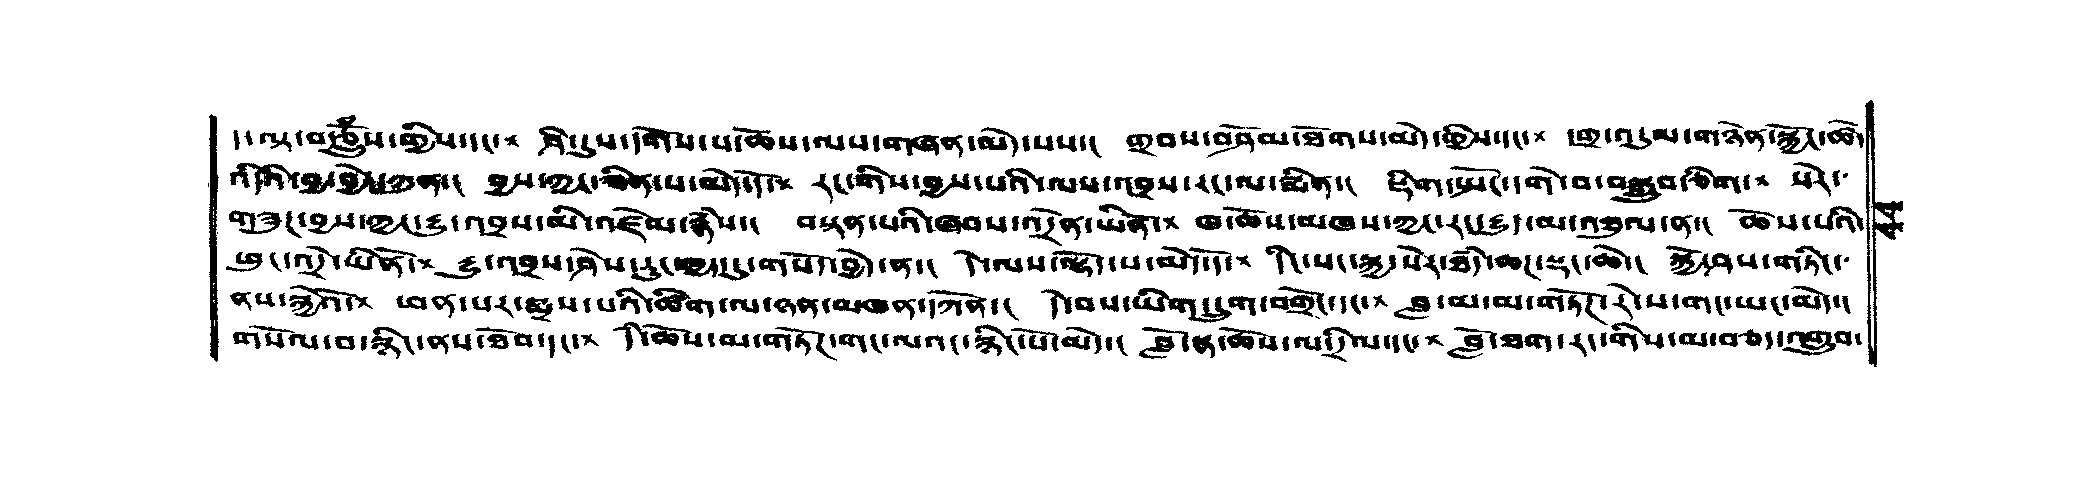།ད་ལྟ་བརྩོན་འགྲུས་གྱིས་དང་ཤེས་ལྡན་རྣམས། །ཤི་དུས་དགོས་པ་ཆོས་ལས་གཞན་མེད་པས། །གྲབས་བཤོམ་ཐོགས་མེད་གྱིས་དང་ཤེས་ལྡན་རྣམས། །དགྲ་འདུལ་གཉེན་སྐྱོང་ཚེ་
འདིའི་བྱ་བྱེད་ཀུན། །བྱས་ཀྱང་ཟིན་པ་མེད་དོ་ཤེས་ལྡན་རྣམས། །རང་གིས་བྱས་པའི་ལས་འབྲས་རང་ལ་སྨིན། །སྡིག་སྤོང་དགེ་བ་སྒྲུབས་ཤིག་ཤེས་ལྡན་རྣམས། །སེར་
གཟུགས་བྱས་ཀྱང་རྒྱུ་འབྲས་མི་འཛེམ་རྣམས། །བསྟན་པའི་ཞབས་འདྲེན་ཡིན་ནོ་ཤེས་ལྡན་རྣམས། །ཁ་ཆོས་མཁས་ཀྱང་རང་རྒྱུད་མ་ཐུལ་ན། །ཆོས་པའི་
ཕུང་འདྲེ་ཡིན་ནོ་ཤེས་ལྡན་རྣམས། །རྒྱུ་འབྲས་ཤེས་རུང་ཁྱད་དུ་གསོད་བྱེད་ན། །དེ་ལས་ལོད་པ་མེད་དོ་ཤེས་ལྡན་རྣམས། །དིང་སང་སྐྱ་སེར་ཐམས་ཅད་ཆགས་སྡང་ཆེ། །སྐྱོ་ཤས་གཏིང་
ནས་སྐྱེའོ་ཤེས་ལྡན་རྣམས། །ཕན་པར་སྨྲས་པའི་ཚིག་ལ་ཉན་མཁན་དཀོན། །དེ་བས་ཡིག་དྲུག་གྲོངས་དང་ཤེས་ལྡན་རྣམས། །བླ་མ་མ་གཏོགས་རེ་ས་གང་ཡང་མེད། །
གསོལ་བ་སྙིང་ནས་ཐོབ་དང་ཤེས་ལྡན་རྣམས། །དམ་ཆོས་མ་གཏོགས་གང་ཡང་སྙིང་པོ་མེད། །བློ་ན་ཆོས་ལ་དྲིལ་དང་ཤེས་ལྡན་རྣམས། །བློ་ཐག་རང་གིས་མ་བཅད་འགྲུབ་